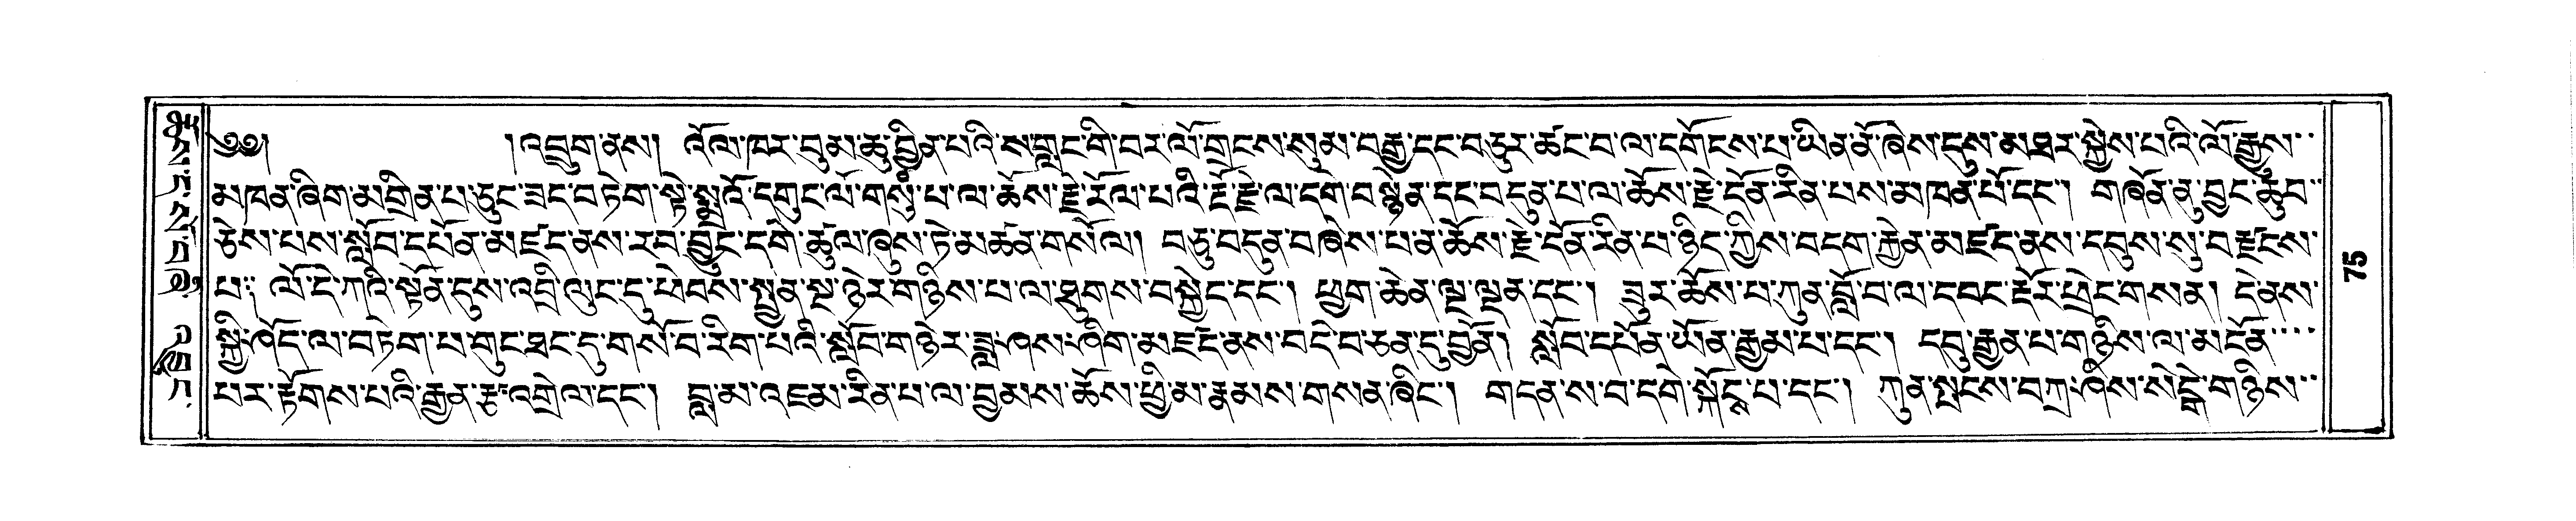༄༅། །འབྲུག་ནས། འོལ་ཁར་བུམ་ཆུ་བྱིན་པའི་ས་གླང་གི་བར་ལོ་གྲངས་སུམ་བརྒྱ་དང་བཅུར་ཚང་བ་ལ་དགོངས་པ་ཡིན་ནོ་ཞེས་དུས་མཐར་སྐྱེས་པའི་ལོ་རྒྱུས་
མཁན་ཞིག་མགྲིན་པ་ཅུང་ཟད་བཏེག་སྟེ་སྨྲའོ་དགུང་ལོ་གསུཾ་པ་ལ་ཆོས་རྗེ་རོལ་པའི་རྡོ་རྗེ་ལ་དགེ་བསྙེན་དང་བདུན་པ་ལ་ཆོས་རྗེ་དོན་རིན་པས་མཁན་པོ་དང་། གཞོན་ནུ་བྱང་ཆུབ་
ཅེས་པས་སློབ་དཔོན་མཛད་ནས་རབ་བྱུང་དགེ་ཚུལ་ཞུས་ཏེ་མཚན་གསོལ། བཅུ་བདུན་བཞེས་པ་ན་ཆོས་རྗེ་དོན་རིན་པོ་ཉིད་ཀྱིས་བདག་རྐྱེན་མཛད་ནས་དབུས་སུ་བརྫངས་
པ༑ ལོ་དེ་ཀའི་སྟོན་དུས་འབྲི་ལུང་དུ་ཕེབས་སྤྱན་སྔ་ཉེར་གཉིས་པ་ལ་ཐུགས་བསྐྱེད་དང་། ཕྱག་ཆེན་ལྔ་ལྡན་དང་། ཟུར་ཆོས་པ་ཀུན་བློ་བ་ལ་དབང་རྡོར་ཕྲེང་གསན། དེ་ནས་
སྐྱི་ཤོད་ལ་བཏེག་པ་གུང་ཐང་དུ་གསོ་བ་རིག་པའི་སློབ་གཉེར་ཟླ་ཤས་ཤིག་མཛད་ནས་བདེ་བ་ཅན་དུ་བྱོན། སློབ་དཔོན་ཡོན་རྒྱམ་པ་དང་། དབུ་རྒྱན་པ་གཉིས་ལ་མངོན་
པར་རྟོགས་པའི་རྒྱན་རྩ་འགྲེལ་དང་། བླ་མ་འཇམ་རིན་པ་ལ་བྱམས་ཆོས་ཕྱི་མ་རྣམས་གསན་ཞིང་། གདན་ས་བ་དགེ་སྐོངས་པ་དང་། ཀུན་སྤངས་བཀྲ་ཤིས་སེངྒེ་གཉིས་